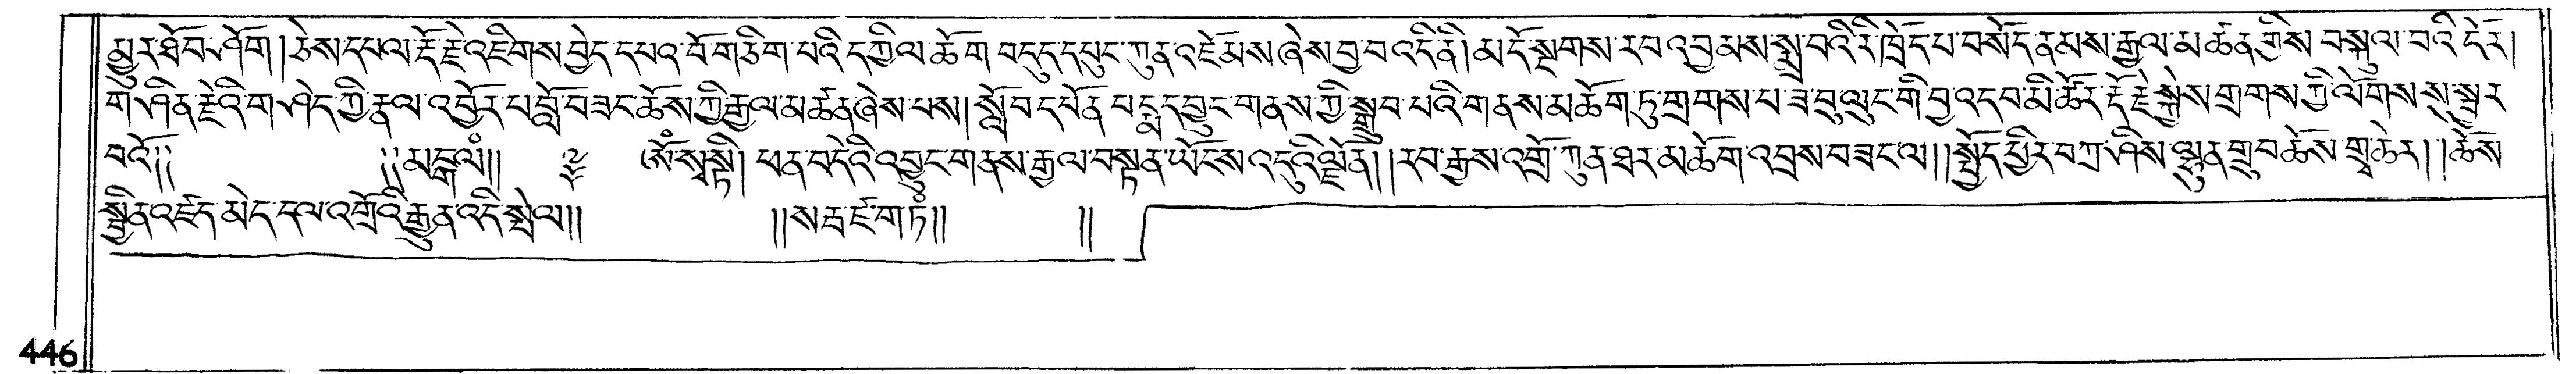མྱུར་ཐོབ་ཤོག །ཅེས་དཔལ་རྡོ་རྗེ་འཇིགས་བྱེད་དཔའ་བོ་གཅིག་པའི་དཀྱིལ་ཆོག་བདུད་དཔུང་ཀུན་འཇོམས་ཞེས་བྱ་བ་འདི་ནི། མདོ་སྔགས་རབ་འབྱམས་སྨྲ་བའི་རི་ཁྲོད་པ་བསོད་ནམས་རྒྱལ་མཚན་གྱིས་བསྐུལ་བའི་དོར།
གཤིན་རྗེའི་གཤེད་ཀྱི་རྣལ་འབྱོར་པ་བློ་བཟང་ཆོས་ཀྱི་རྒྱལ་མཚན་ཞེས་པས། སློབ་དཔོན་པདམ་དབྱུང་གནས་ཀྱི་སྒྲུབ་པའི་གནས་མཆོག་ཏུ་གྲགས་པ་ཟ་བུ་ལུང་གི་བྱ་འདབ་མི་ཚོར་རྡོ་རྗེ་སྐྱེས་གྲགས་ཀྱི་ལོགས་སུ་སྦྱར་
བའོ༑༑ ༑༑མངྒལཾ།། ༈ ཨོཾ་སྭ་སྟི། ཕན་བདེའི་འབྱུང་གནས་རྒྱལ་བསྟན་ཡོངས་འདུའི་ལྗོན། །རབ་རྒྱས་འགྲོ་ཀུན་ཐར་མཆོག་འབྲས་བཟང་ལ། །སྤྱོད་ཕྱིར་བཀྲ་ཤིས་ལྷུན་གྲུབ་ཆོས་གྲྭ་ཆེར། །ཆོས་
སྦྱིན་འཛད་མེད་དལ་འགྲོའི་རྒྱུན་འདི་སྤེལ།། །།སརྦ་ཛ་ག་ཏཾ།། །།